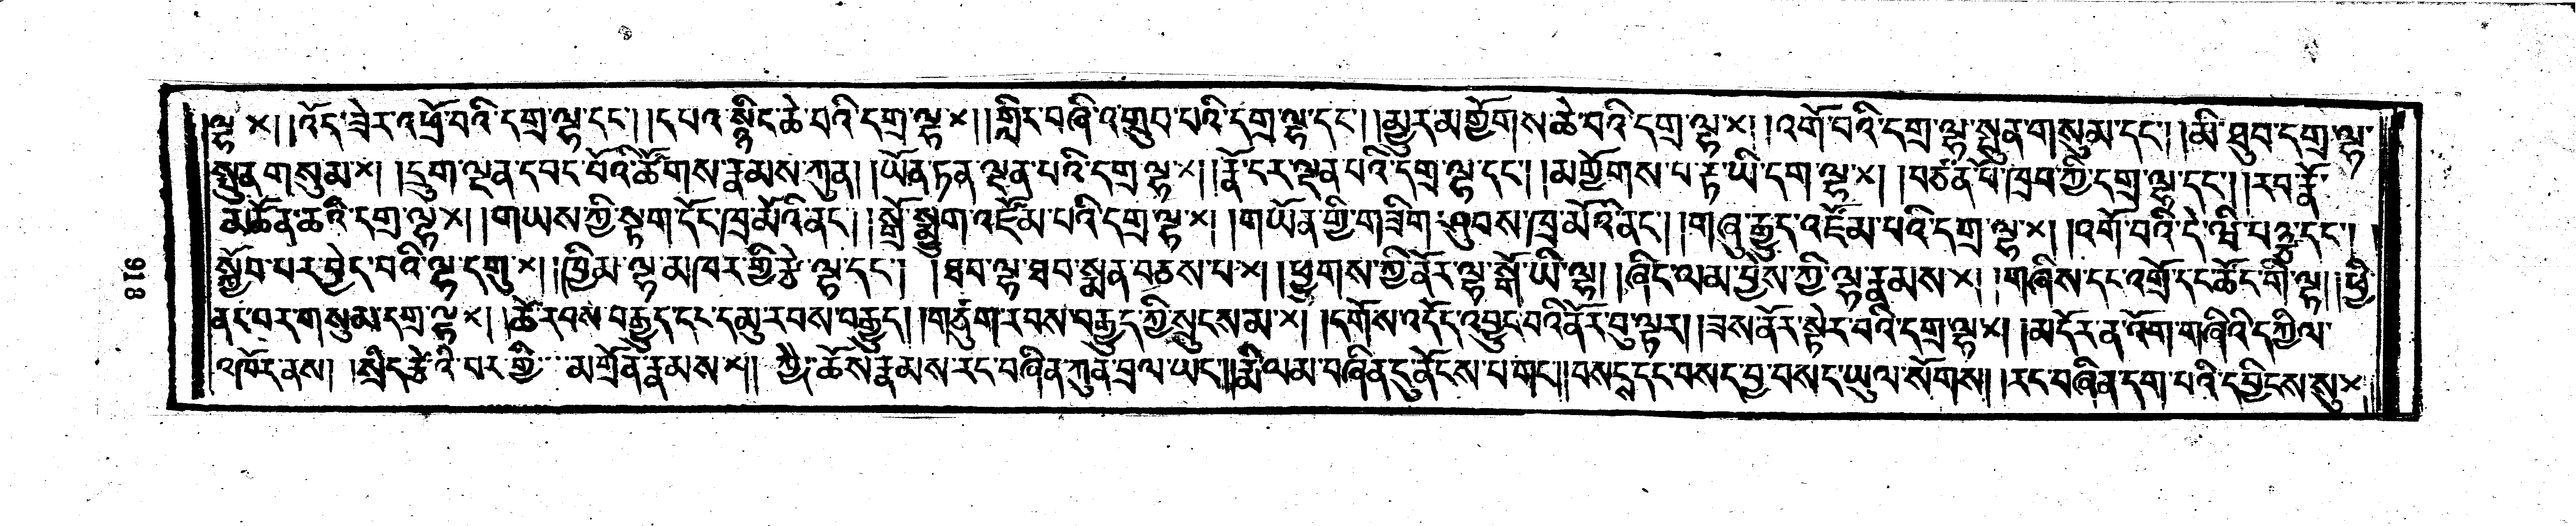ལྷ་྾། །འོད་ཟེར་འཕྲོ་བའི་དགྲ་ལྷ་དང་། །དཔའ་སྙིང་ཆེ་བའི་དགྲ་ལྷ་྾། །གླིང་བཞི་འགྲུབ་པའི་དགྲ་ལྷ་དང་། །མྱུར་མགྱོགས་ཆེ་བའི་དགྲ་ལྷ་྾། །འགོ་བའི་དགྲ་ལྷ་སྤུན་གསུམ་དང་། མི་ཐུབ་དགྲ་ལྷ་
སྤུན་གསུམ་྾། །དྲུག་ལྡན་དབང་པོའི་ཚོགས་རྣམས་ཀུན། །ཡོན་ཏན་ལྡན་པའི་དགྲ་ལྷ་྾། །རྣོ་ངར་ལྡན་པའི་དགྲ་ལྷ་དང་། །མགྱོགས་པ་རྟ་ཡི་དགྲ་ལྷ་྾། །བཙན་པོ་ཁྲབ་ཀྱི་དགྲ་ལྷ་དང་། །རབ་རྣོ་
མཚོན་ཆའི་དགྲ་ལྷ་྾། །གཡས་ཀྱི་སྟ་གདོང་ཁྲ་མོའི་ནང་། །སྒྲོ་སྨྱུག་འཛོམ་པའི་དགྲ་ལྷ་྾། །གཡོན་གྱི་གཟིག་ཤུབས་ཁྲ་མོའི་ནང་། །གཞུ་རྒྱུད་འཛོམ་པའི་དགྲ་ལྷ་྾། །འགོ་བའི་དེ་ཝི་པཉྩ་དང་། །
སྐྱོབ་པར་བྱེད་པའི་ལྷ་དགུ་྾། །ཁྱིམ་ལྷ་མཁར་གྱི་རྩེ་ལྷ་དང་། །ཐབ་ལྷ་ཐབ་སྨན་བཅས་པ་྾། །ཕྱུགས་ཀྱི་ནོར་ལྷ་སྒོ་ཡི་ལྷ། །ཞིང་ལམ་བྱས་ཀྱི་ལྷ་རྣམས་྾། །གཞིས་དང་འགྲོ་དང་ཚོང་གི་ལྷ། །ཕྱི་
ནང་བར་གསུམ་དགྲ་ལྷ་྾། །ཚེ་རབས་བརྒྱུད་དང་དམུ་རབས་བརྒྱུད། །གཙུག་རབས་བརྒྱུད་ཀྱི་སྲུངས་མ་྾། །དགོས་འདོད་འབྱུང་བའི་ནོར་བུ་ལྟར། །ཟས་ནོར་སྟེར་བའི་དགྲ་ལྷ་྾། །མདོར་ན་འོག་གཞིའི་དཀྱིལ་
འཁོར་ནས། །སྲིད་རྩེའི་བར་གྱི་མགྲོན་རྣམས་྾། །ཀྱཻ༑ ཆོས་རྣམས་རང་བཞིན་ཀུན་བྲལ་ཡང་། །རྨི་ལམ་བཞིན་དུ་ནོངས་པ་གང་། །བསངས་དང་བསང་བྱ་བསང་ཡུལ་སོགས། །རང་བཞིན་དག་པའི་དབྱིངས་སུ་྾།།